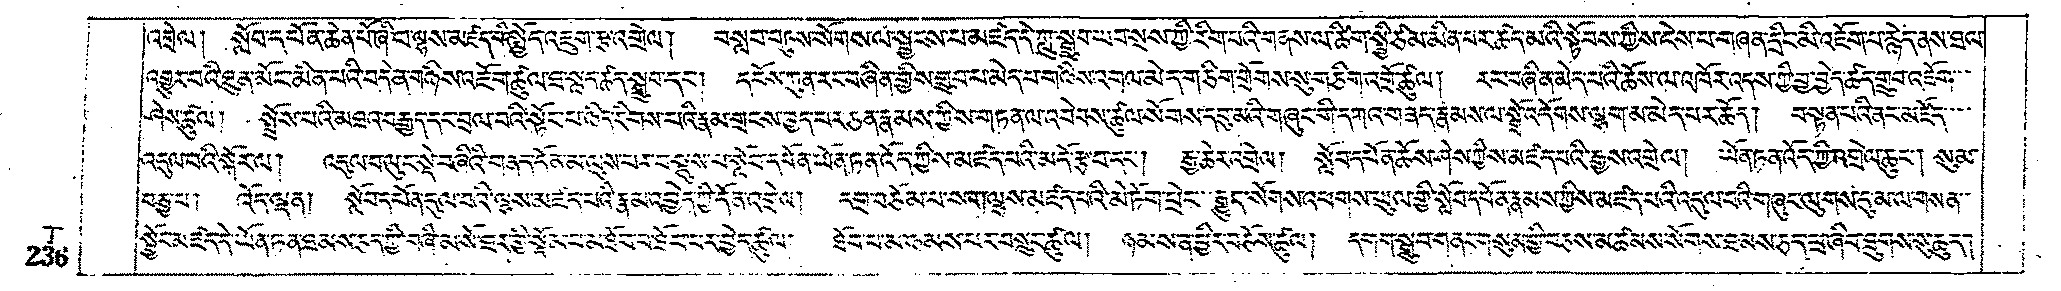འགྲེལ། སློབ་དཔོན་ཆེན་པོ་ཞི་བ་ལྷས་མཛད་པའི་སྤྱོད་འཇུག་རྩ་འགྲེལ། བསླབ་བཏུས་སོགས་ལ་སྦྱངས་པ་མཛད་དེ་ཀླུ་སྒྲུབ་ཡབ་སྲས་ཀྱི་རིག་པའི་གནས་ལ་ཚིག་སྤྱི་ཙམ་མིན་པར་ཚད་མའི་སྟོབས་ཀྱིས་ངེས་པ་གཞན་དྲིང་མི་འཇོག་པ་རྙེད་ནས་ཐལ་
འགྱུར་བའི་ཐུན་མོང་མིན་པའི་བདེན་གཉིས་འཇོག་ཚུལ་ཐ་སྙད་ཚད་སྒྲུབ་དང་། དངོས་ཀུན་རང་བཞིན་གྱིས་གྲུབ་པ་མེད་པ་གཉིས་འགལ་མེད་གཅིག་གྲོགས་སུ་གཅིག་འགྲོ་ཚུལ། རང་བཞིན་མེད་པའི་ཆོས་ལ་འཁོར་འདས་ཀྱི་བྱ་བྱེད་ཚད་གྲུབ་འཇོག་་་
ཤེས་ཚུལ། སྤྲོས་པའི་མཐའ་བརྒྱད་དང་བྲལ་བའི་སྟོང་པ་ཉིད་རིགས་པའི་རྣམ་གྲངས་ཁྱད་པར་ཅན་རྣམས་ཀྱིས་གཏན་ལ་འབེབས་ཚུལ་སོགས་དབུ་མའི་གཞུང་གི་དཀའ་གནད་རྣམས་ལ་སྒྲོ་འདོགས་ལྷག་མ་མེད་པར་ཆོད། བསྟན་པའི་ནང་མཛོད་་་
འདུལ་བའི་སྐོར་ལ། འདུལ་བ་ལུང་སྡེ་བཞིའི་གནད་དོན་མ་ལུས་པར་བསྡུས་པ་སློབ་དཔོན་ཡོན་ཏན་འོད་ཀྱིས་མཛད་པའི་མདོ་རྩ་བ་དང་། རྒྱ་ཆེར་འགྲེལ། སློབ་དཔོན་ཆེས་ཤེས་ཀྱིས་མཛད་པའི་རྒྱས་འགྲེལ། ཡོན་ཏན་འོད་ཀྱི་འགྲེལ་ཆུང་། སུམ་
བརྒྱ་པ། འོད་ལྡན། སློབ་དཔོན་དུལ་བའི་ལྷས་མཛད་པའི་རྣམ་འབྱེད་ཀྱི་དོན་འགྲེལ། དགྲ་བཅོམ་པ་སག་ལྷས་མཛད་པའི་མེ་ཏོག་ཕྲེང་་་རྒྱུད་སོགས་འཕགས་ཡུལ་གྱི་སློབ་དཔོན་རྣམས་ཀྱིས་མཛད་པའི་འདུལ་བའི་གཞུང་ལུགས་དུ་མ་ལ་གསན་་་
སྦྱོང་མཛད་དེ་ཡོན་ཏན་ཐམས་ཅད་ཀྱི་གཞི་མ་སོ་ཐར་གྱི་སྡོམ་པ་མ་ཐོབ་པ་ཐོབ་པར་བྱེད་ཚུལ། ཐོབ་པ་མ་ཉམས་པར་བསྲུང་ཚུལ། ཉམས་ན་ཕྱིར་བཅོས་ཚུལ། དགག་སྒྲུབ་གནང་གསུམ་གྱི་བཅས་མཚམས་སོགས་ཐམས་ཅད་ཕྲ་ཞིབ་ཐུགས་སུ་ཆུད།